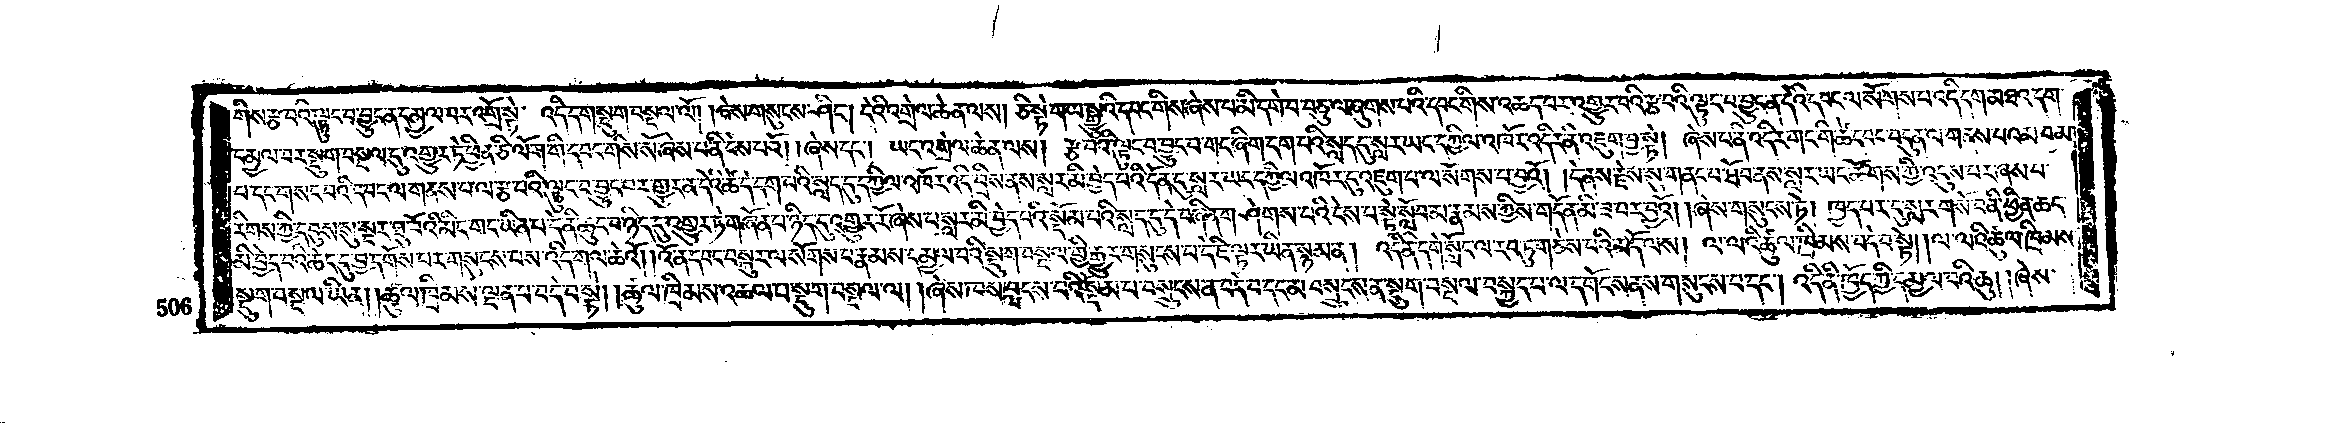གིས་རྩ་བའི་ལྟུང་བ་བྱུང་ན་དམྱལ་བར་འགྲོ་སྟེ། འདི་དག་སྡུག་བསྔལ་ལོ། །ཞེས་གསུངས་ཤིང་། དེའི་འགྲེལ་ཆེན་ལས། ཅི་སྟེ་གཡོ་སྒྱུའི་དབང་གིས་ཞེས་པ་མི་དགེ་བ་བཅུ་ལ་ཞུགས་པའི་དབང་གིས་འཆད་པར་འགྱུར་བའི་རྩ་བའི་ལྟུང་བ་བྱུང་ན་དེའི་དབང་ལ་སོགས་པ་འདི་དག་མཐའ་དག་
དམྱལ་བར་སྡུག་བསྔལ་དུ་འགྱུར་ཏེ་ཕྱིན་ཅི་ལོག་གི་དབང་གིས་སོ་ཞེས་པ་ནི་ངེས་པའོ། །ཞེས་དང་། ཡང་འགྲེལ་ཆེན་ལས། རྩ་བའི་ལྟུང་བ་བྱུང་བ་གང་ཞིག་དག་པའི་སླད་དུ་སླར་ཡང་དཀྱིལ་འཁོར་འདིར་ནི་འཇུག་བྱ་སྟེ། ཞེས་པ་ནི་འདིར་གང་གི་ཚེ་དབང་བདུན་ལ་གནས་པའམ་བུམ་
པ་དང་གསང་བའི་དབང་ལ་གནས་པ་ལ་རྩ་བའི་ལྟུང་བ་བྱུང་བར་གྱུར་ན་དེའི་ཚེ་དེ་དག་པའི་སླད་དུ་དཀྱིལ་འཁོར་འདི་བྲིས་ནས་སླར་མི་བྱེད་པའི་དོན་དུ་སླར་ཡང་དཀྱིལ་འཁོར་དུ་འཇུག་པ་ལ་སོགས་པ་བྱའོ། །དེ་ནས་རྗེས་སུ་གནང་བ་ཐོབ་ནས་སླར་ཡང་ཚོགས་ཀྱི་འདུས་པར་ཞས་པ་
རིགས་ཀྱི་དབུས་སུ་སྔར་ཐུ་བོའི་མིང་གང་ཡིན་པ་དེ་ནི་ཆུང་བ་ཉིད་དུ་འགྱུར་ཏེ་གཞོན་པ་ཉིད་དུ་འགྱུར་རོ་ཞེས་པ་སླར་མི་བྱེད་པའི་སྡོམ་པའི་སླད་དུ་དེ་བཞིན་གཤེགས་པའི་ངེས་པ་སྟེ་སློབ་མ་རྣམས་ཀྱིས་གདོན་མི་ཟ་བར་བྱའོ། །ཞེས་གསུངས་ཏེ། ཁྱད་པར་དུ་སླར་གསོ་བ་ནི་ཕྱིན་ཆད་
མི་བྱེད་པའི་ཆེད་དུ་བྱ་དགོས་པར་གསུངས་པས་འདི་གལ་ཆེའོ། །འོ་ན་དབང་བསྐུར་ལ་སོགས་པ་རྣམས་དམྱལ་བའི་སྡུག་བསྔལ་གྱི་རྒྱུར་གསུངས་པ་དེ་ཇི་ལྟར་ཡིན་སྙམ་ན། འདི་ནི་དགེ་སློང་ལ་རབ་ཏུ་གཅེས་པའི་མདོ་ལས། ལ་ལའི་ཚུལ་ཁྲིམས་བདེ་བ་སྟེ། །ལ་ལའི་ཚུལ་ཁྲིམས་
སྡུག་བསྔལ་ཡིན། །ཚུལ་ཁྲིམས་ལྡན་པ་བདེ་བ་སྟེ། །ཚུལ་ཁྲིམས་འཆལ་བ་སྡུག་བསྔལ་ལ། །ཞེས་ཁས་བླངས་པའི་སྡོམ་པ་བསྲུངས་ན་བདེ་བ་དང་མ་བསྲུངས་ན་སྡུག་བསྔལ་བསྐྱེད་པ་ལ་དགོངས་ནས་གསུངས་པ་དང་། འདི་ནི་ཁྱོད་ཀྱི་དམྱལ་བའི་ཆུ། །ཞེས་